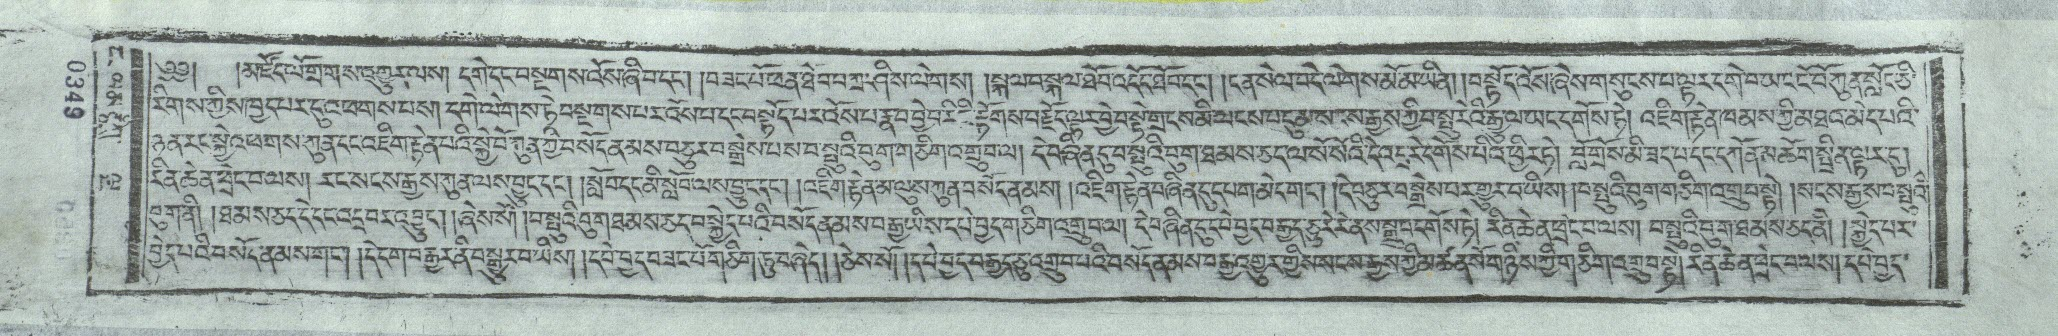༄༅། །མཛོད་ལོ་གྲགས་འགྱུར་ལས། དགེ་དང་བསྔགས་འོས་ཞི་པ་དང་། །བཟང་པོ་ཕན་ཐོབ་བཀྲ་ཤིས་ལེགས། །སྐལ་བསྐལ་ཐོབ་འདོད་ཐོབ་དང་། །ངན་སེལ་བདེ་ལེགས་མོ་མ་ཡིན། །བསྟོད་འོས་ཞེས་གསུངས་བ་ལྟར་དགེ་བ་ཡང་ངོ་བོ་ཀུན་སློང་ཅི་
རིགས་ཀྱིས་ཁྱད་པར་དུ་འཕགས་པས། དགེ་ལེགས་ཏེ་བསྔགས་པར་འོས་པ་དང་བསྟོད་པར་འོས་པ་རྣ་བ་བྱེད་བ་རིག་རྟོགས་བརྗོད་ལྟར་བྱེ་བ་སྟེ་གྲངས་མི་ལངས་པ་དུམ་སངས་རྒྱས་ཀྱི་བ་སྤུ་རེའི་རྒྱུ་ལ་ཡང་དགོས་ཏེ། འཇིག་རྟེན་ཁམས་ཀྱི་མཐའ་མེད་པའི་
ཉན་རང་སྐྱེ་འཕགས་ཀུན་དང་འཇིག་རྟེན་པའི་སྐྱེ་བོ་ཀུན་གྱི་བསོད་ནམས་བཅུར་བསྒྲེས་པས་བ་སྤུའི་བུག་གཅིག་འགྲུབ་ལ། དེ་བཞིན་དུ་བ་སྤུའི་བུག་ཐམས་ཅད་ལ་སོ་སོའི་དེ་འདྲ་རེ་དགོས་པའི་ཕྱིར་ཏེ། བློ་གྲོས་མི་ཟད་པ་དང་དཀོན་མཆོག་སྤྲིན་ལྟར་དུ་
རིན་ཆེན་ཕྲེང་བ་ལས། རང་སངས་རྒྱས་ཀུན་ལས་བྱུང་དང་། །སློབ་དང་མི་སློབ་ལས་བྱུང་དང་། །འཇིག་རྟེན་མ་ལུས་ཀུན་བསེད་ནམས། །འཇིག་རྟེན་བཞིན་དུ་དཔག་མེད་གང་། །དེ་བཅུར་བསྒྲེས་པར་གྱུར་བ་ཡིས། །བ་སྤུའི་བུག་གཅིག་འགྲུབ་སྟེ། །སངས་རྒྱས་སྤུའི་
བུག་ནི། །ཐམས་ཅད་དེ་དང་འདྲ་བར་འབྱུང་། །ཞེས་སོ། །བ་སྤུའི་བུག་ཐམས་ཅད་བསྐྱེད་པའི་བསོད་ནམས་བརྒྱ་ཡིས་དཔེ་བྱད་གཅིག་འགྲུབ་ལ། དེ་བཞིན་དུ་དཔེ་བྱད་བརྒྱད་ཅུ་རེ་རེ་ནས་སྒྲུབ་དགོས་ཏེ། རིན་ཆེན་ཕྲེང་པ་ལས། བ་སྤུའི་བུག་ཐམས་ཅད་ནི། །སྐྱེད་པར་
བྱེད་པའི་བསོད་ནམས་གང་། །དེ་དག་བརྒྱར་ནི་བསྒྱུར་པ་ཡིས། །དཔེ་བྱད་བཟང་པོ་གཅིག་ཏུ་བཞེད། །ཅེས་སོ། །དཔེ་བྱད་བརྒྱད་ཅུ་འགྲུབ་པའི་བསོད་ནམས་བརྒྱ་འགྱུར་གྱིས་སངས་རྒྱས་ཀྱི་མཚན་སོ་གཉིས་ཀྱི་གཅིག་འགྲུབ་བསྟེ། རིན་ཆེན་ཕྲེང་བ་ལས། དཔེ་བྱད་